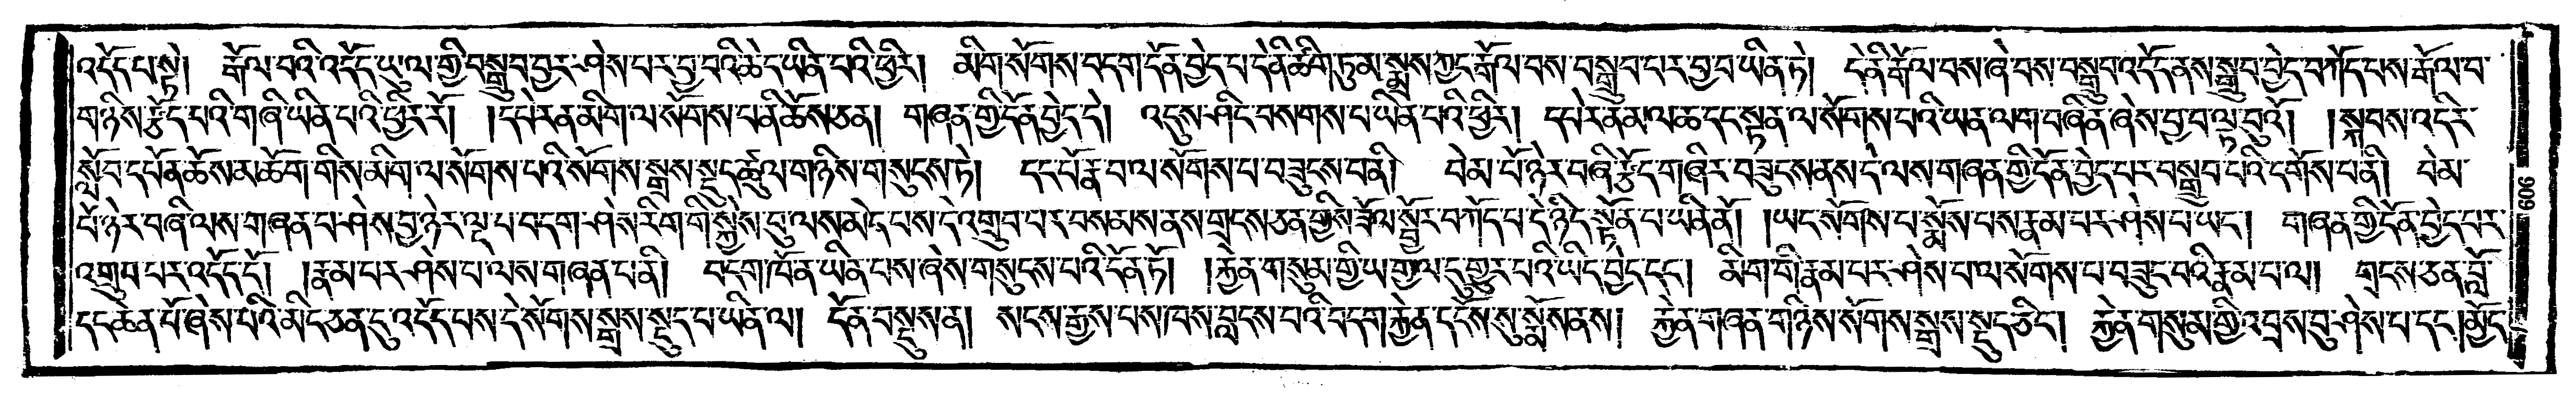འདོད་པ་སྟེ། རྒོལ་བའི་འདོད་ཡུལ་གྱི་བསྒྲུབ་བྱར་ཤེས་པར་བྱ་བའི་ཆེད་ཡིན་པའི་ཕྱིར། མིག་སོགས་བདག་དོན་བྱེད་པ་དེ་ནི་ཚིག་ཏུ་མ་སྨྲས་ཀྱང་རྒོལ་བས་བསྒྲུབ་པར་བྱ་བ་ཡིན་ཏེ། དེ་ནི་རྒོལ་བས་ཞེ་བས་བསྒྲུབ་འདོད་ནས་སྒྲུབ་བྱེད་བཀོད་པས་རྒོལ་བ་
གཉིས་རྩོད་པའི་གཞི་ཡིན་པའི་ཕྱིར་རོ། །དཔེར་ན་མིག་ལ་སོགས་པ་ནི་ཆོས་ཅན། གཞན་གྱི་དོན་བྱེད་དེ། འདུས་ཤིང་བསགས་པ་ཡིན་པའི་ཕྱིར། དཔེར་ན་མལ་ཆ་དང་སྟན་ལ་སོགས་པའི་ཡན་ལག་བཞིན་ཞེས་བྱ་བ་ལྟ་བུའོ། །སྐབས་འདིར་
སློབ་དཔོན་ཆོས་མཆོག་གིས་མིག་ལ་སོགས་པའི་སོགས་སྒྲས་སྡུད་ཚུལ་གཉིས་གསུངས་ཏེ། དང་པོ་རྣ་བ་ལ་སོགས་པ་བཟུངས་བ་ནི། བེམ་པོ་ཉེར་བཞི་རྩོད་གཞིར་བཟུངས་ནས་དེ་ལས་གཞན་གྱི་དོན་བྱེད་པར་བསྒྲུབ་པའི་དགོས་པ་ནི། བེམ་
པོ་ཉེར་བཞི་ལས་གཞན་པ་ཤེས་བྱ་ཉེར་ལྔ་པ་བདག་ཤེས་རིག་གི་སྐྱེས་བུ་ལས་མེད་པས་དེ་འགྲུབ་པར་བསམས་ནས་གྲངས་ཅན་གྱིས་ཟོལ་སྦྱོར་བཀོད་པ་དེ་ཉིད་སྟོན་པ་ཡིན་ནོ། །ཡང་སོགས་པ་སྨོས་པས་རྣམ་པར་ཤེས་པ་ཡང་། གཞན་གྱི་དོན་བྱེད་པར་
འགྲུབ་པར་འདོད་དོ། །རྣམ་པར་ཤེས་པ་ལས་གཞན་པ་ནི། བདག་ཁོ་ན་ཡིན་པས་ཞེས་གསུངས་པའི་དོན་ཏོ། །རྐྱེན་གསུམ་གྱི་ཡ་གྱལ་དུ་གྱུར་པའི་ཡིད་བྱེད་དང་། མིག་གི་རྣམ་པར་ཤེས་པ་ལ་སོགས་པ་བཟུང་བའི་རྣམ་པ་ལ། གྲངས་ཅན་བློ་
དང་ཆེན་པོ་ཞེས་པའི་མིང་ཅན་དུ་འདོད་པས་དེ་སོགས་སྒྲས་སྡུད་པ་ཡིན་ལ། དོན་བསྡུས་ན། སངས་རྒྱས་པས་ཁས་བླངས་པའི་བདག་རྐྱེན་དངོས་སུ་སྨོས་ནས། རྐྱེན་གཞན་གཉིས་སོགས་སྒྲས་སྡུད་ཅིང་། རྐྱེན་གསུམ་གྱི་འབྲས་བུ་ཤེས་པ་དང་། མྱོང་